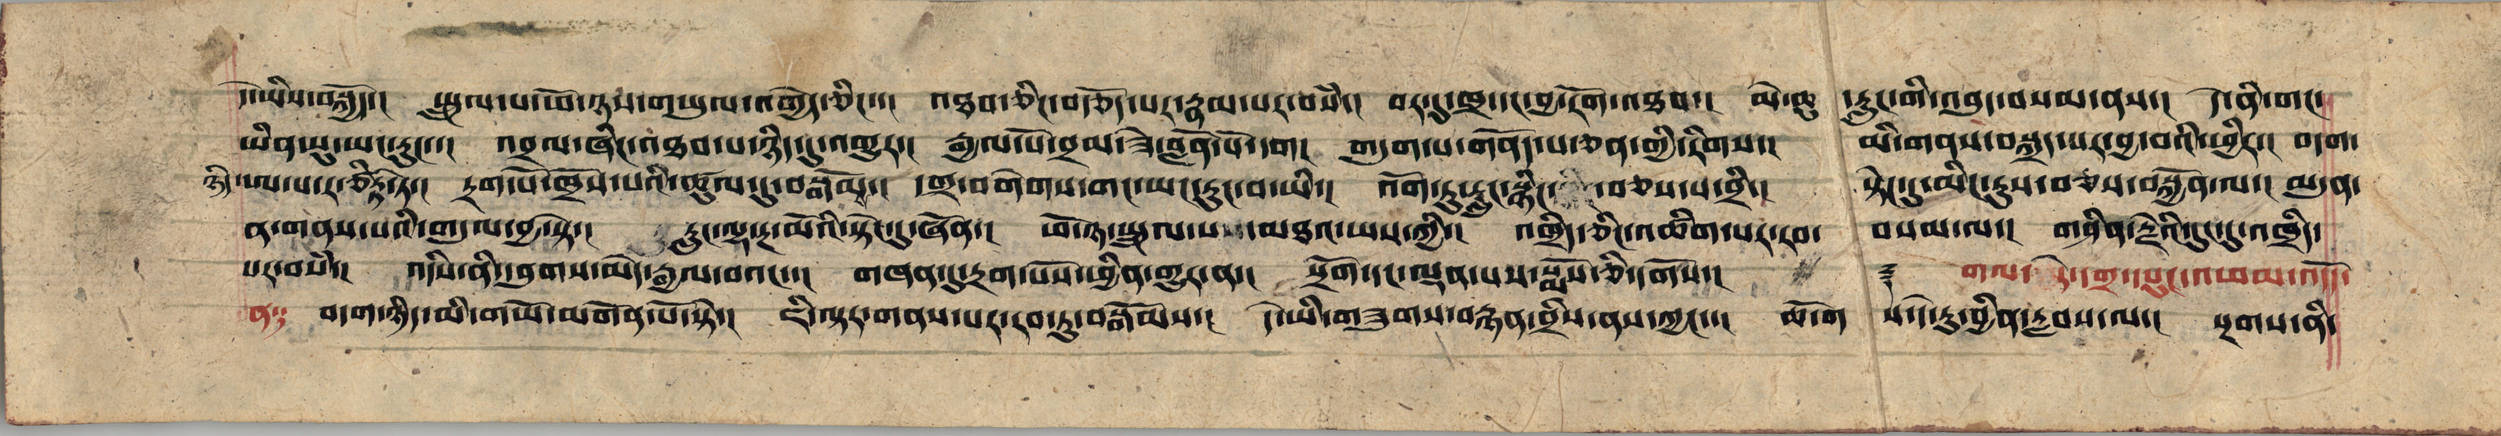དེ་ཡིས་བསྐྱོད་། སྤྲུལ་པ་ཕོ་ཉས་གཡུལ་འགྱེད་ཅིང་་། འཐབ་ཅིང་བརྩོད་པར་རྣམ་པར་བསཾ་། བར་དུ་ཁྲ་དང་བྱ་རོག་འཐབ་། མེ་ཆུ ་རླུང་གི་འབུད་བསམ་ནས་། དེ་ནི་གང་
ཡིན་སུ་ཡང་རུང་་། འབྲལ་ཞིང་འཐབ་པ་ཉིད་དུ་འགྱུར་། རྒྱལ་པོ་བྲམ་ཟེ་བློན་པོ་དག། གདུག་པ་གནོད་པ་ཅན་གྱི་རིགས་། མི་གནས་བསྐྲད་པར་བྱ་བའི་ཕྱིར་། བདག་
ཉིད་ཨ་པ་ར་ཙིཏྟ་ཏེ་། དྲག་པོ་ཁྲོས་པའི་ཚུལ་དུ་བསྒོམས་། དགྲ་བགེགས་གང་ཡང་རུང་བ་ཡི་། འོག་ཏུ་རླུང་སྙིང་བཅས་པ་བྲི་། སྟེང་དུ་མིང་རུས་བཅས་བསྐྱོན་ལ་། མདུན་
ན་གནས་པའི་གདུལ་བྱ་སྟེ་། རླུང་ལྷ་རྔ་མོའི་སྟེང་དུ་ཞོན་། ཕོ་ཉ་སྤྲུལ་པ་མཐའ་ཡས་ཀྱི་། འཁྲིད་ཅིང་འཚིག་པར་རབ་ བསམ་ལ་། གཤིན་རྗེའི་དུང་དུ་འཁྲིད་
པར་བསཾ་། འདིས་ནི་དབུགས་མེད་རྒྱལ་བའང་་། གཞན་དུ་དྲག་པོས་ཕྱིན་གྱུར་ན་། སྲོག་དང་ལྡན་པས་སྨོས་ཅི་དགོས་། ࿑ གལ་ཏེ་དགྲ་དཔུང་འཕམ་འདོད་
ན༑ བདག་ཉིད་མི་གཡོ་མགོན་པོ་སྟེ་། ཇི་ལྟར་གནས་པར་རབ་ཏུ་བསྒོམས་། དེ་ཡི་གཟུགས་བརྙན་བྲིས་ནས་ཀྱང་་། ཆོ་ག ས་དེ་རུ་བྱིན་རླབས་ལ་། སྔགས་ནི་